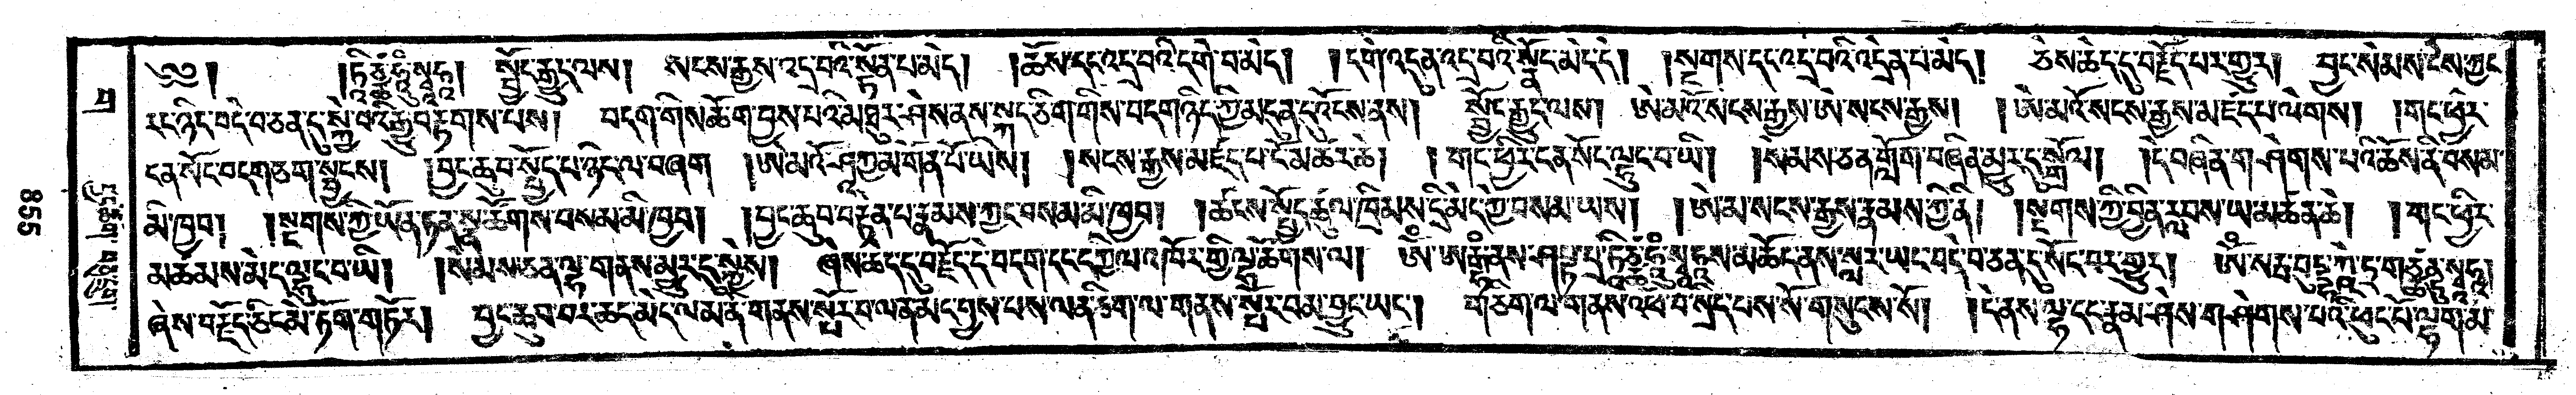༄༅། །ཏཱིཙྪ་ཧཱུཾ་སྭཱཧཱ། སྦྱོད་རྒྱུད་ལས། སངས་རྒྱས་འདྲ་བའི་སྟོན་པ་མེད། །ཆོས་དང་འདྲ་བའི་དགེ་བ་མེད། །དགེ་འདུན་འདྲ་བའི་སྣོང་མེད་དེ། །སྔགས་དང་འདྲ་བའི་འདྲེན་པ་མེད། ཅེས་ཆེད་དུ་བརྗོད་པར་གྱུར། བྱང་སེམས་ངེས་ཀྱང་
རང་ཉིད་བདེ་བ་ཅན་དུ་སྐྱེ་བའི་རྒྱུ་བརྟགས་པས། བདག་གིས་ཆོ་ག་བྱས་པའི་མཐུར་ཤེས་ནས་སྐད་ཅིག་གིས་བདག་ཉིད་ཀྱི་མདུན་དུ་འོངས་ནས། སྦྱོང་རྒྱུད་ལས། ཨེ་མའོ་སངས་རྒྱས་ཨེ་སངས་རྒྱས། །ཨེ་མའོ་སངས་རྒྱས་མཛད་པ་ལེགས། །གང་ཕྱིར་
ངན་སོང་བདག་ཅག་སྦྱངས། །བྱང་ཆུབ་སྤྱོད་པ་ཉིད་ལ་བཞག །ཨེ་མའོ་ཤཱཀྱ་མགོན་པོ་ཡིས། །སངས་རྒྱས་མཛད་པ་ངོ་མཚར་ཆེ། །གང་ཕྱིར་ངན་སོང་ལྷུང་བ་ཡི། །སེམས་ཅན་གློག་བཞིན་མྱུར་དུ་སྒྲོལ། །དེ་བཞིན་གཤེགས་པའི་ཆོས་ནི་བསམ་
མི་ཁྱབ། །སྔགས་ཀྱི་ཡོན་ཏན་སྣ་ཚོགས་བསམ་མི་ཁྱབ། །བྱང་ཆུབ་བརྟེན་པ་རྣམས་ཀྱང་བསམ་མི་ཁྱབ། །ཚངས་སྤྱོད་ཚུལ་ཁྲིམས་དྲི་མེད་ཀྱེ་བསམ་ཡས། །ཨེ་མ་སངས་རྒྱས་རྣམས་ཀྱི་ནི། །སྔགས་ཀྱི་བྱིན་རླབས་ཡ་མཚན་ཆེ། །གང་ཕྱིར་
མཚམས་མེད་ལྷུང་བ་ཡི། །སེམས་ཅན་ལྷ་གནས་མྱུར་དུ་སྐྱེས། ཞེས་ཆེད་དུ་བརྗོད་དེ་བདག་དང་དཀྱིལ་འཁོར་གྱི་ལྷ་ཚོགས་ལ། ཨོཾ་ཨརྒྷཾ་ནས་ཤཔྟ་པྲ་ཏཱིཙྪ་ཧཱུཾ་སྭཱཧཱས་མཆོད་ནས་སླར་ཡང་བདེ་བ་ཅན་དུ་སོང་བར་གྱུར། ཨོཾ་སརྦ་བུདྡྷ་ཀྵེ་ཏྲ་གཙྪནྟུ་སྭཱཧཱ།
ཞེས་བརྗོད་ཅིང་མེ་ཏོག་གཏོར། བྱང་ཆུབ་བར་ཆད་མེད་ལམ་ནི་གནས་སྤོར་བ་ལན་མང་བྱས་པས་ལན་ཅིག་ལ་གནས་སྤོར་བམ་བྱུང་ཡང་། གཅིག་ལ་གནས་འཕོ་བ་སྲིད་པས་སོ་གསུངས་སོ། །དེ་ནས་ལྷ་དང་རྣམ་ཤེས་གཤེགས་པའི་ཕུང་པོ་ལྷག་མ་